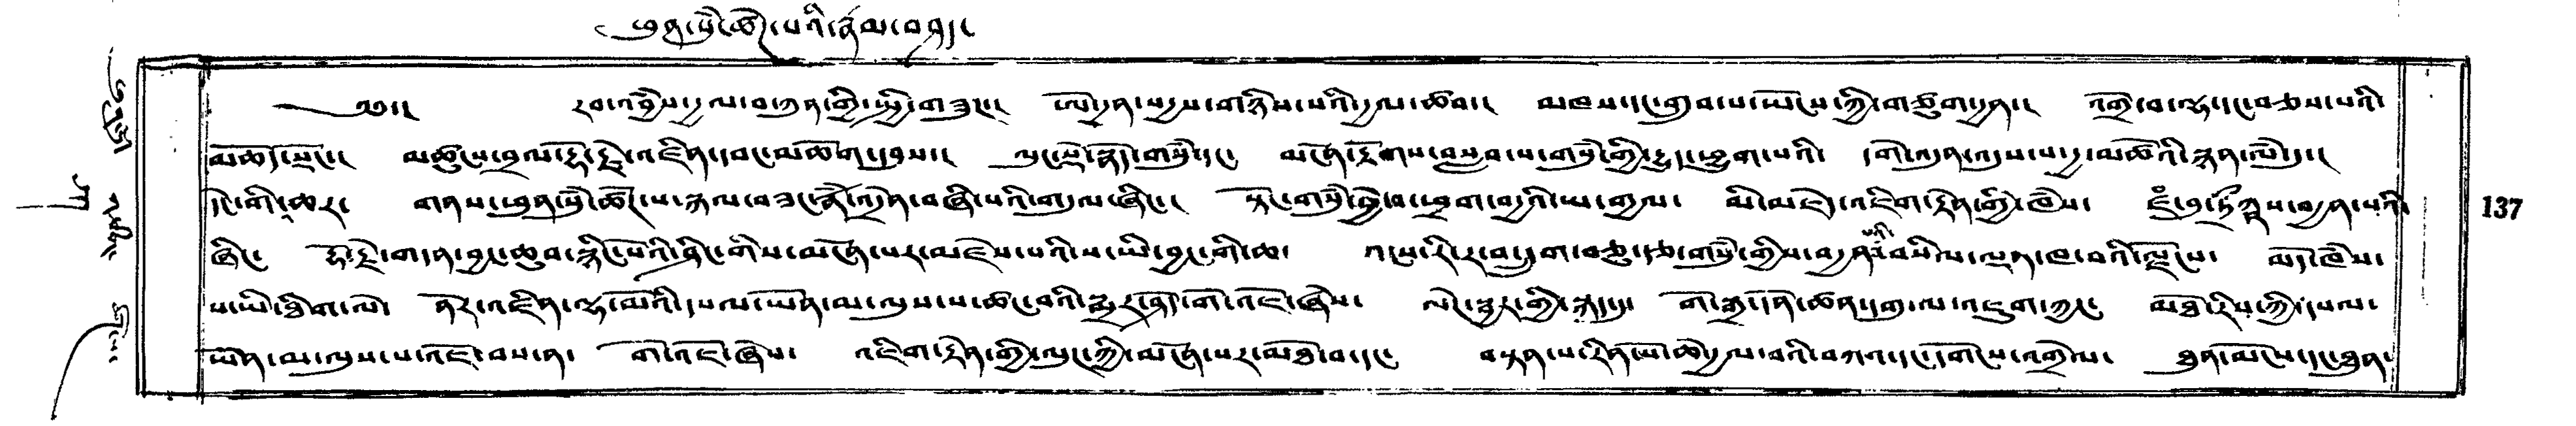ཕུན་སུམ་ཚོགས་པའི་རྣམ་བཤད། རབ་འབྱམས་རྒྱལ་བ་ཀུན་ཀྱི་སྤྱི་གཟུགས། ཨོ་རྒྱན་སངས་རྒྱས་གཉིས་པའི་རྒྱལ་ཚབ། མཁས་དང་གྲུབ་པ་ཡོངས་ཀྱི་གཙུག་རྒྱན། འགྲོ་བ་ལྷ་དང་བཅས་པའི་
མཆོད་སྡོང་། མཚུངས་བྲལ་རྡོ་རྗེ་འཛིན་དབང་མཆོག་དབུས། ལུང་སྡེ་སྣོད་གསུམ་དང་། མངོན་རྟོགས་བསླབ་པ་གསུམ་གྱིས་རྒྱུད་ཕྱུག་པའི། དགེ་འདུན་འདུས་པ་རྒྱ་མཚོའི་སྙན་ལམ་དུ། 
དེང་གི་ཆར། གནས་ཕུན་སུམ་ཚོགས་པ་སྐལ་བཟང་རྣམ་འདྲེན་བཞི་པའི་གདུལ་ཞིང་། སྟོང་གསུམ་བྱེ་བ་ཕྲག་བརྒྱའི་ཡ་གྱལ། མི་མཇེད་འཇིག་རྟེན་གྱི་ཁམས། ཛཾ་བུ་ཏྲྀཀྵས་བརྒྱན་པའི་
ཞིང་། རྡོ་རྗེ་གདན་བྱང་ཆུབ་སྙིང་པོའི་ཤིང་གིས་མངོན་པར་མཛེས་པའི་སའི་བྱང་གི་ཆར། གངས་རིའི་ར་བ་དྲུག་བཅུ་རྩ་གསུམ་གྱིས་བརྒྱན་པའི་བསིལ་ལྡན་ཁ་བའི་ལྗོངས། མདོ་ཁམས་
སའི་ཐིག་ལེ། ནོར་འཛིན་ལྷ་མོའི་དཔལ་ཡོན་མ་ལུས་པ་ཚང་བའི་སྨ་ཤོད་གོ་འཇོ་ཞེས། ལེགས་སྦྱར་གྱི་སྐད་དུ། གོ་སྒྲ་དོན་ཚན་དགུ་ལ་འཇུག་ཀྱང་། མཐོ་རིས་ཀྱི་དཔལ་
ཡོན་མ་ལུས་པ་འཇོ་བས་ན། གོ་འཇོ་ཞེས། འཇིག་རྟེན་ལུགས་ཀྱི་མངོན་པར་མཐོ་བ་དང་། བསྟན་པ་རིན་པོ་ཆེ་རྒྱལ་བའི་བཀའ་དང་དགོངས་འགྲེལ། ཐུན་མོང་དང་ཐུན་